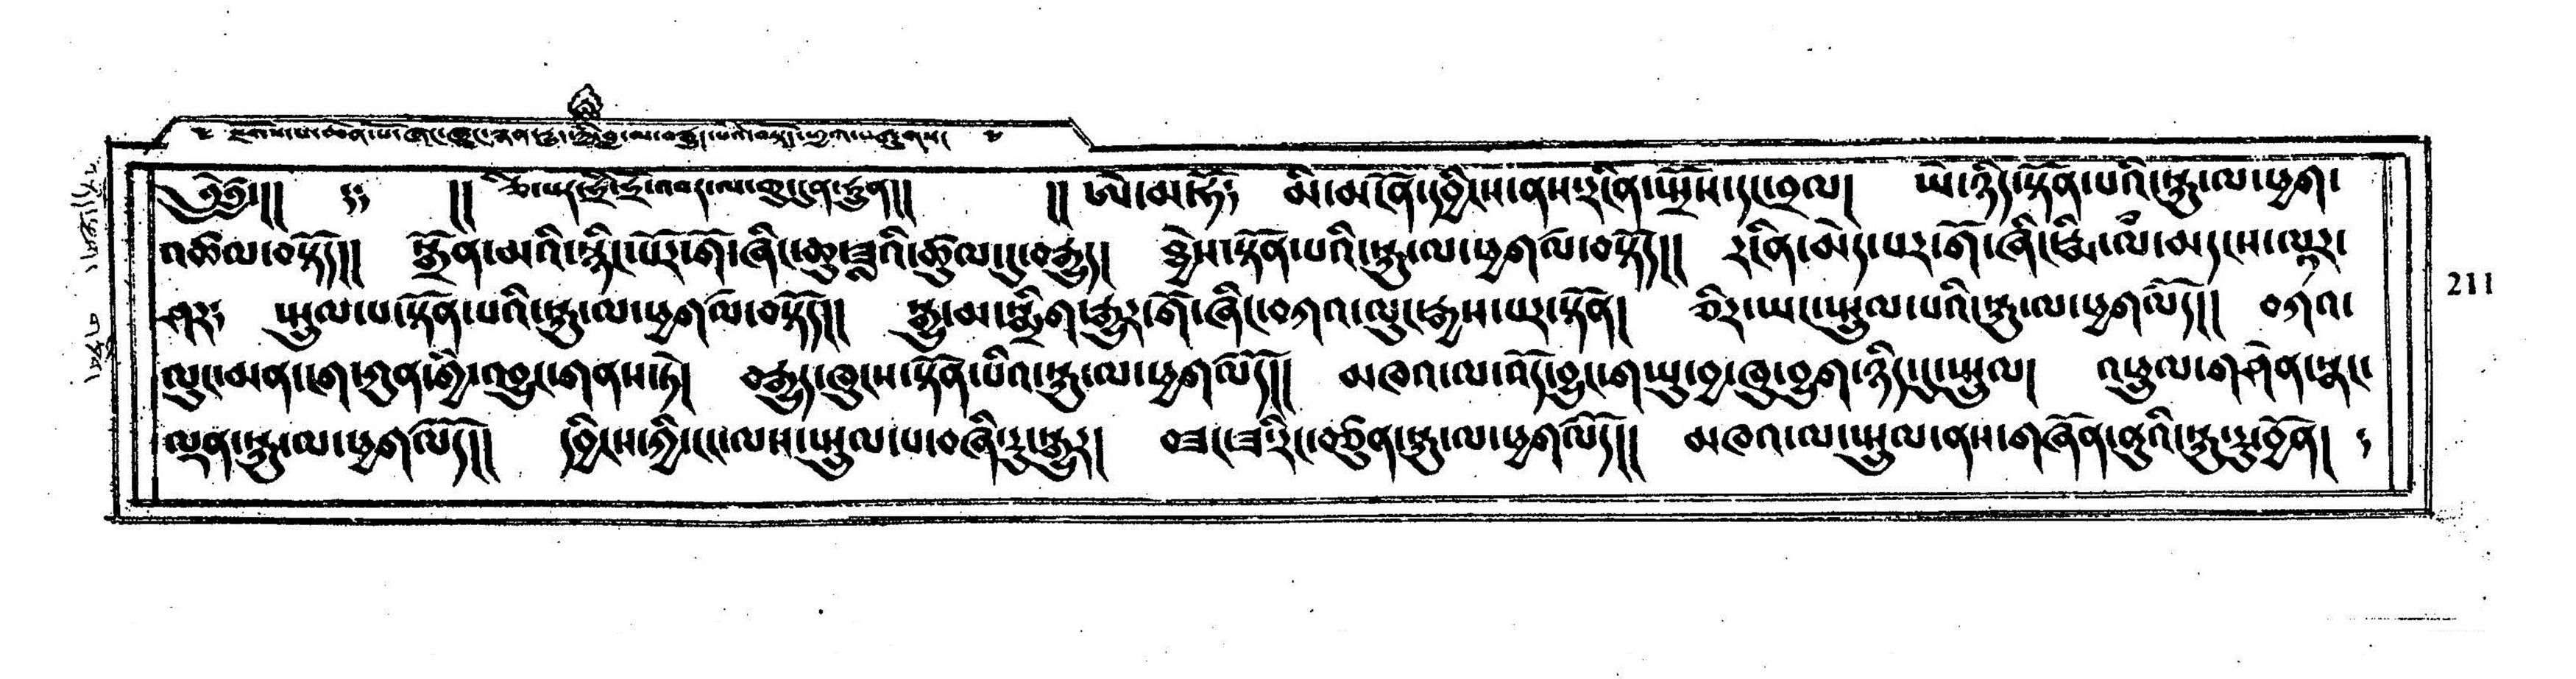༄༅།། །།ཅི་པར་ཧྲི་ཧྲི་འབར་ལ་གུ་དུན་ཧྲུན།། །།ཨེ་མ་ཧོ། མི་མངོན་དབྱིངས་ནས་རང་བཞིན་སྤྲོས་དང་བྲལ། ཡེ་ཉིད་སྟོན་པའི་སྐུ་ལ་ཕྱག་
འཚལ་བསྟོད།། སྒྲོན་མའི་སྙིང་པོར་གོ་ཞིང་ཆུ་ཟླའི་ཚུལ་དུ་བརྒྱུད། ཐུགས་རྗེས་སྟོན་པའི་སྐུ་ལ་ཕྱག་འཚལ་བསྟོད།། རང་བཞིན་མེད་པར་གོ་ཞིང་རྨི་ལམ་མདངས་ལྟར་
ཤར། སྤྲུལ་པ་སྟོན་པའི་སྐུ་ལ་ཕྱག་འཚལ་བསྟོད།། སྒྱུ་མ་སྨྲིག་རྒྱུར་གོ་ཞིང་བཀའ་ལུང་རྒྱས་པར་སྟོན། ཅིར་ཡང་སྤྲུལ་པའི་སྐུ་ལ་ཕྱག་འཚལ་བསྟོད།། བཀའ་
ལུང་མན་ངག་ཀུན་གྱི་འབྱུང་གནས་ཏེ། བརྒྱུད་ཁུངས་སྟོན་པའི་སྐུ་ལ་ཕྱག་འཚལ་བསྟོད།། མཁའ་ལ་འོད་བྱུང་གཡུ་བྱ་ཁུ་བྱུག་ཉིད་དུ་སྤྲུལ། འཕྲུལ་གཤེན་སྣང་
ལྡན་སྐུ་ལ་ཕྱག་འཚལ་བསྟོད།། དབྱིངས་ཀྱི་ངང་ལས་སྤྲུལ་པ་བཞི་རུ་སྒྱུར། བཟང་ཟ་རིང་བཙུན་སྐུ་ལ་ཕྱག་འཚལ་བསྟོད། མཁའ་ལ་སྤྲུལ་ནས་གཞོན་ནུའི་སྐུ་རུ་བྱོན།